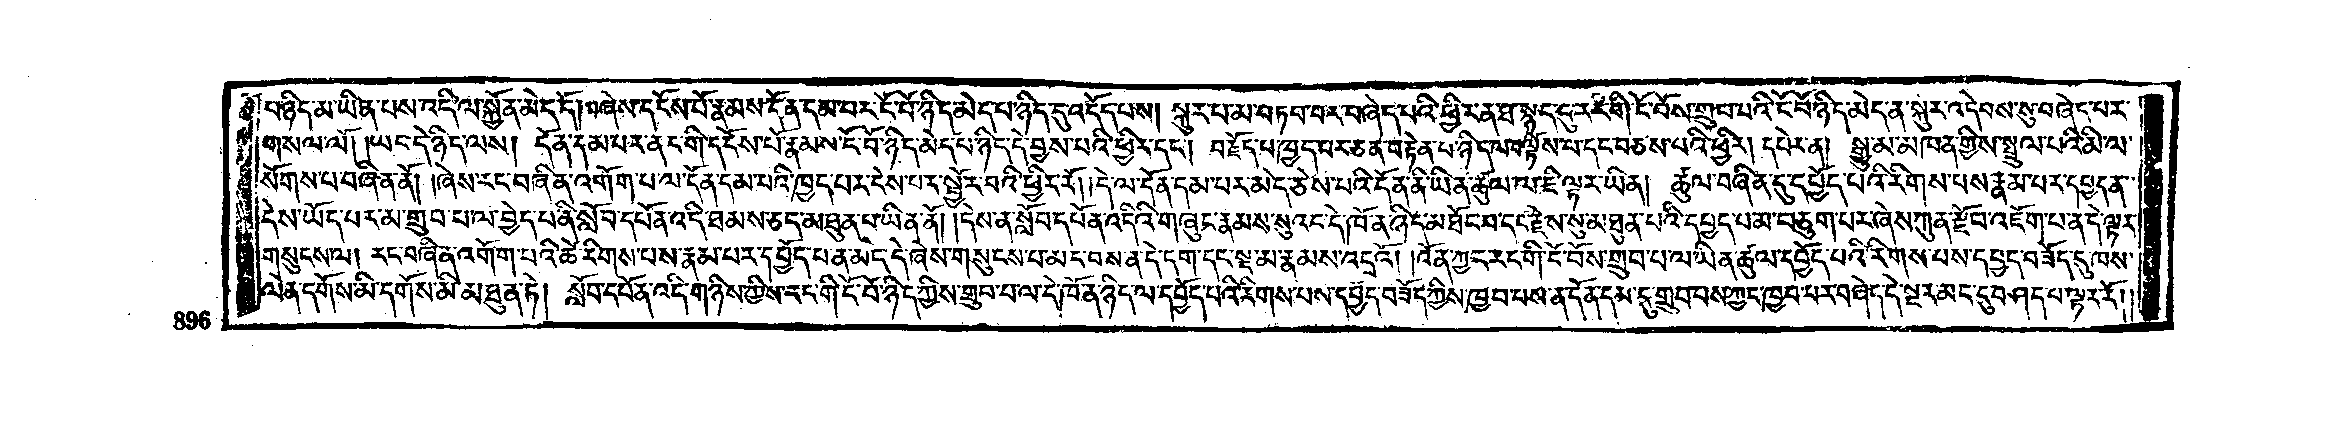པ་ཉིད་མ་ཡིན་པས་འདི་ལ་སྐྱོན་མེད་དོ། །ཞེས་དངོས་པོ་རྣམས་དོན་དམ་པར་ངོ་བོ་ཉིད་མེད་པ་ཉིད་དུ་འདོད་པས། སྐུར་པ་མ་བཏབ་པར་བཞེད་པའི་ཕྱིར་ན་ཐ་སྙད་དུ་རང་གི་ངོ་བོས་གྲུབ་པའི་ངོ་བོ་ཉིད་མེད་ན་སྐུར་འདེབས་སུ་བཞེད་པར་
གསལ་ལོ། །ཡང་དེ་ཉིད་ལས། དོན་དམ་པར་ནང་གི་དངོས་པོ་རྣམས་ངོ་བོ་ཉིད་མེད་པ་ཉིད་དེ་བྱས་པའི་ཕྱིར་དང་། བརྗོད་པ་ཁྱད་པར་ཅན་བརྟེན་པ་ཉིད་ལ་བལྟོས་པ་དང་བཅས་པའི་ཕྱིར། དཔེར་ན། སྒྱུ་མ་མཁན་གྱིས་སྤྲུལ་པའི་མི་ལ་
སོགས་པ་བཞིན་ནོ། །ཞེས་རང་བཞིན་འགོག་པ་ལ་དོན་དམ་པའི་ཁྱད་པར་ངེས་པར་སྦྱོར་བའི་ཕྱིར་རོ། །དེ་ལ་དོན་དམ་པར་མེད་ཅེས་པའི་དོན་ནི་ཡིན་ཚུལ་ལ་ཇི་ལྟར་ཡིན། ཚུལ་བཞིན་དུ་དཔྱོད་པའི་རིགས་པས་རྣམ་པར་དཔྱད་ན་
དེས་ཡོད་པར་མ་གྲུབ་པ་ལ་བྱེད་པ་ནི་སློབ་དཔོན་འདི་ཐམས་ཅད་མཐུན་པ་ཡིན་ནོ། །དེས་ན་སློབ་དཔོན་འདིའི་གཞུང་རྣམས་སུའང་དེ་ཁོ་ན་ཉིད་མཐོང་བ་དང་རྗེས་སུ་མཐུན་པའི་དཔྱད་པ་མ་བཅུག་པར་ཞེས་ཀུན་རྫོབ་འཇོག་པ་ན་དེ་ལྟར་
གསུངས་ལ། རང་བཞིན་འགོག་པའི་ཚེ་རིགས་པས་རྣམ་པར་དཔྱད་པ་ན་མེད་དེ་ཞེས་གསུངས་པ་མང་བས་ན་དེ་དག་དང་སྔ་མ་རྣམས་འདྲའོ། །འོན་ཀྱང་རང་གི་ངོ་བོས་གྲུབ་པ་ལ་ཡིན་ཚུལ་དཔྱོད་པའི་རིགས་པས་དཔྱད་བཟོད་དུ་ཁས་
ལེན་དགོས་མི་དགོས་མི་མཐུན་ཏེ། སློབ་དཔོན་འདི་གཉིས་ཀྱིས་རང་གི་ངོ་བོ་ཉིད་ཀྱིས་གྲུབ་པ་ལ་དེ་ཁོ་ན་ཉིད་ལ་དཔྱོད་པའི་རིགས་པས་དཔྱད་བཟོད་ཀྱིས་ཁྱབ་པས་ན་དོན་དམ་དུ་གྲུབ་པས་ཀྱང་ཁྱབ་པར་བཞེད་དེ་སྔར་མང་དུ་བཤད་པ་ལྟར་རོ། །